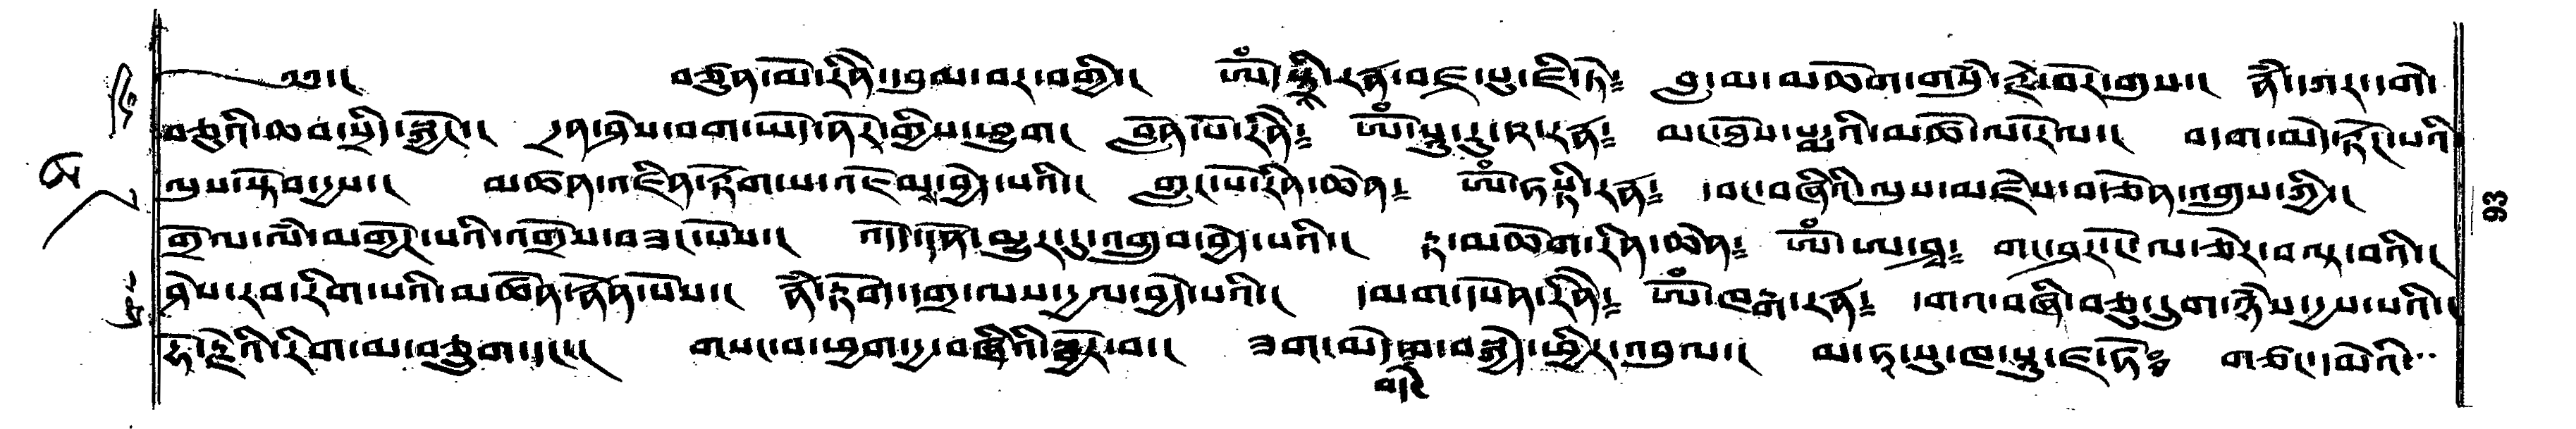།བཙུན་མོ་རིན་ཆེན་དབུལ་བར་བགྱི། ཨོཾ་སྟྲི་རཏྣ་བཛྲ་པཱུ་ཛི་ཏེ༴ བླ་མ་མཆོག་གསུམ་རྗེ་བོར་གུས། །རྣམ་དཀར་དགེ་
བཅུའི་ཆབ་སྲིད་སྐྱོང་། །དྲན་ཤེས་བག་ཡོད་ནོར་གྱིས་ཕྱུག །བློན་པོ་རིན་ཆེན༴ ཨོཾ་པཱུ་རུ་ར་རཏྣ༴ མང་ཐོས་པདྨའི་མཚོ་ལ་རོལ། །བདག་མེད་རྟོགས་པའི་
ལུས་སྟོབས་རྒྱས། །མཚན་འཛིན་རྟོག་པ་འཇོམས་བྱེད་པའི། །གླང་པོ་རིན་ཆེན༴ ཨོཾ་ཧསྟི་རཏྣ༴ དབང་བཞིའི་ལུས་མཛེས་བརྩོན་འགྲུས་ཀྱི། །
གྲོལ་ལམ་མགྱོགས་པའི་འགྲོས་བཟང་པོས། །འདོད་དོན་མྱུར་དུ་འགྲུབ་བྱེད་པའི། །རྟ་མཆོག་རིན་ཆེན༴ ཨོཾ་ཨ་ཤྭ༴ གང་ཤར་ངོ་ལ་ཅེར་བལྟ་བའི། །
ཤེས་རབ་རིག་པའི་མཚོན་རྣོན་པོས། །རྣམ་རྟོག་དགྲ་ལས་རྒྱལ་བྱེད་པའི། །དམག་དཔོན་རིན་ཆེན༴ ཨོཾ་ཁརྒ་རཏྣ༴ དགའ་བཞི་བཅུ་དྲུག་ཉམས་རྒྱས་པའི། །
རྡོ་རྗེའི་རིག་མ་བཅུ་དྲུག་དང་། །གསང་བ་ཕྱག་རྒྱ་བཞིའི་སྦྱོར་བ། །ཟག་མེད་བདེ་བ་བསྐྱེད་ཕྱིར་འབུལ། །མ་ཧཱ་སུ་ཁ་པཱུ་ཛ་ཧོ། གཙང་དམེའི་